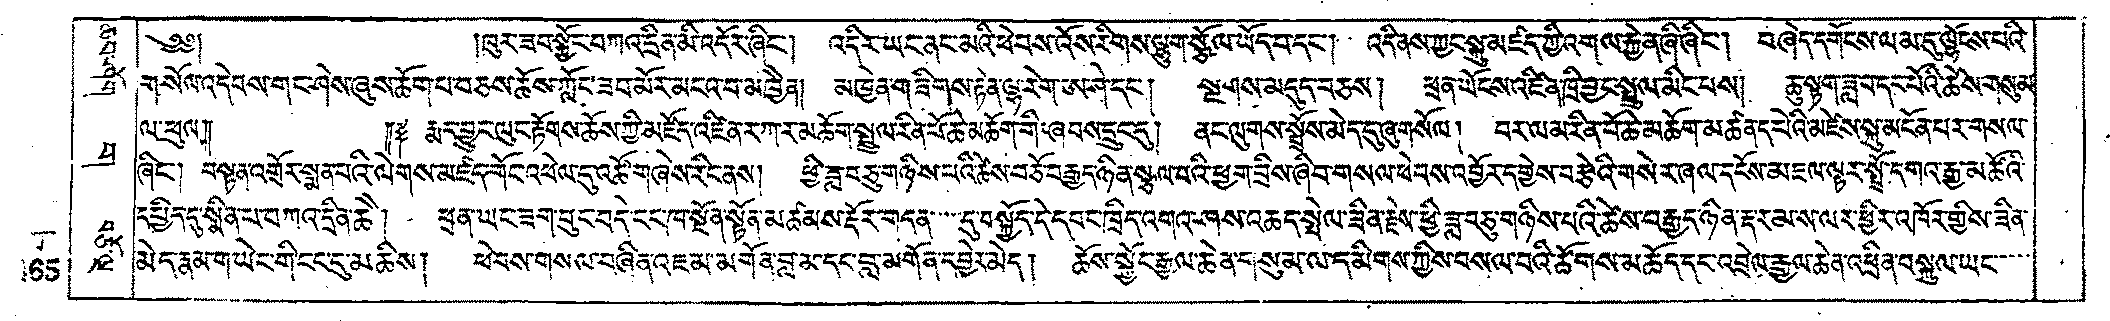༄༅། །ཁུར་ཟབ་སྐྱོང་བཀའ་དྲིན་མི་འདོར་ཞིང་། འདིར་ཡང་ནང་མའི་ཕེབས་འོས་རིགས་ལྷུག་སྩོལ་ཡོད་པ་དང་། འདི་ནས་ཀྱང་སྐུ་མཛད་ཀྱི་འགལ་རྐྱེན་ཞི་ཞིང་། བཞེད་དགོངས་ལམ་དུ་ལྷོངས་པའི་
གསོལ་འདེབས་གང་ཤེས་ཞུས་ཆོག་པ་བཅས་ཆོས་ཀློང་ཟབ་མོར་མངའ་བ་མཁྱཻན། མཁྱེན་གཟིགས་རྟེན་ལྷ་རེག་ཨ་ཤེ་དང་། སྔགས་མདུད་བཅས། ཕྲན་ཡོངས་འཛིན་ཁྲི་བྱང་སྤྲུལ་མིང་པས། ཆུ་སྟག་ཟླ་བ་དང་པོའི་ཚེས་གསུམ་
ལ་ཕུལ།། །། འ་རྨད་བྱུང་ལུང་རྟོགས་ཆོས་ཀྱི་མཛོད་འཛིན་ར་ཀ་ར་མཆོག་སྤྲུལ་རིན་པོ་ཆེ་མཆོག་གི ༧ཞབས་དྲུང་དུ། ནང་ལུགས་སྤྲོས་མེད་དུ་ཞུ་གསོལ། བར་ལམ་རིན་པོ་ཆེ་མཆོག་མཚན་དཔེའི་མཛེས་སྐུ་མངོན་པར་གསལ་
ཞིང་། བསྟན་འགྲོར་སྨན་པའི་ལེགས་མཛད་གོང་འཕེལ་དུ་འཚོ་གཞེས་རིང་ནས། ཕྱི་ཟླ་བཅུ་གཉིས་པའི་ཚེས་བཅོ་བརྒྱད་ཉིན་སྩལ་བའི་ཕྱག་བྲིས་ཞིབ་གསལ་ཕེབས་འབྱོར་དགྱེས་བརྩེའི་གསེར་ཞལ་དངོས་མཇལ་ལྟར་སྤྲོ་དགའ་རྒྱ་མཚོའི་
དཔྱིད་དུ་སྨིན་པ་བཀའ་དྲིན་ཆཻ། ཕྲན་ཡང་ཟག་ཕུང་བདེ་ངང་ཁ་སྔོན་སྟོན་མཚམས་རྡོར་གདན་་་དུ་བསྐྱོད་དེ་དབང་ཁྲིད་འགའ་ཤས་འཆད་སྤེལ་ཟིན་རྗེས་ཕྱི་ཟླ་བཅུ་གཉིས་པའི་ཚེས་བརྒྱད་ཉིན་རྡ་རམ་ས་ལར་ཕྱིར་འཁོར་གྱིས་ཟིན་
མེད་རྣམ་གཡེང་གི་ངང་དུ་མཆིས། ཕེབས་གསལ་བཞིན་འཇམ་མགོན་བླ་མ་དང་བླ་མགོན་དབྱེར་མེད། ཆོས་སྐྱོང་རྒྱལ་ཆེན་གསུམ་ལ་དམིགས་ཀྱིས་བསལ་བའི་ཚོགས་མཆོད་དང་འབྲེལ་རྒྱལ་ཆེན་འཕྲིན་བསྐུལ་ཡང་་་